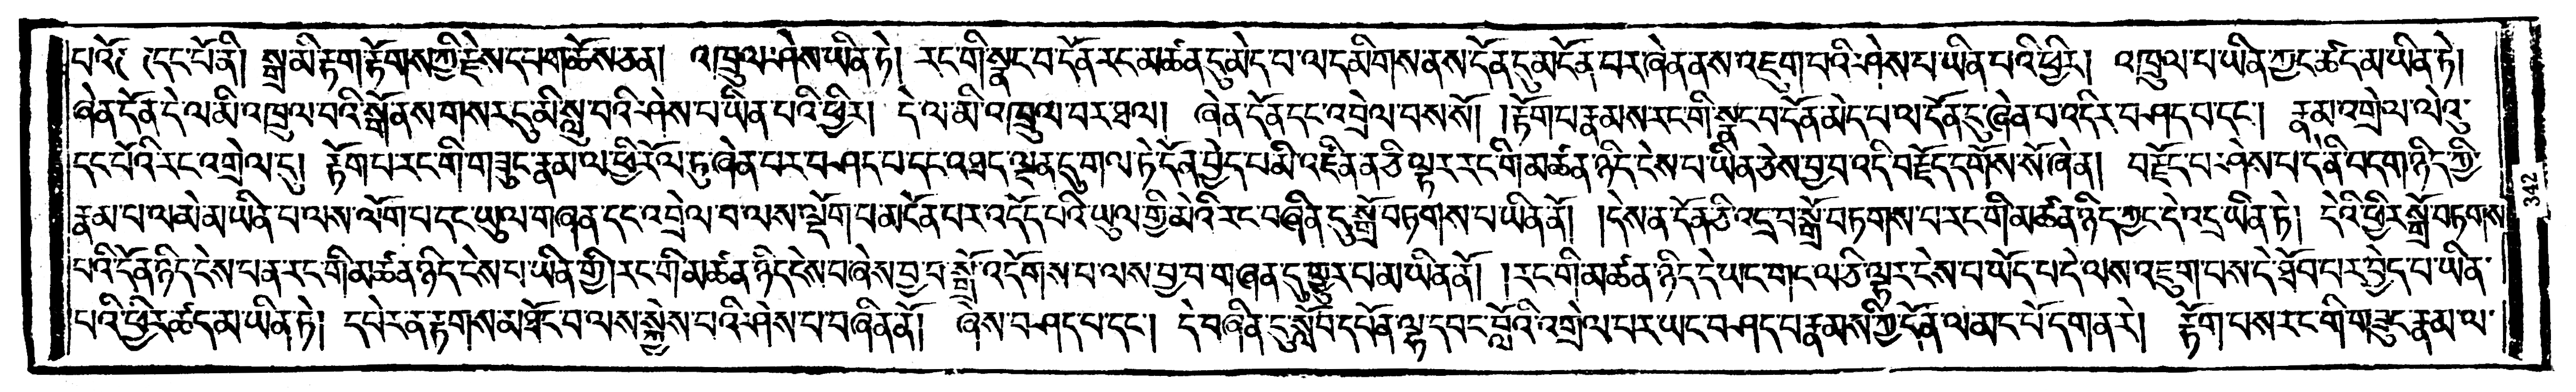པའོ། །དང་པོ་ནི། སྒྲ་མི་རྟག་རྟོགས་ཀྱི་རྗེས་དཔག་ཆོས་ཅན། འཁྲུལ་ཤེས་ཡིན་ཏེ། རང་གི་སྣང་བ་དོན་རང་མཚན་དུ་མེད་པ་ལ་དམིགས་ནས་དོན་དུ་མངོན་པར་ཞེན་ནས་འཇུག་པའི་ཤེས་པ་ཡིན་པའི་ཕྱིར། འཁྲུལ་པ་ཡིན་ཀྱང་ཚད་མ་ཡིན་ཏེ།
ཞེན་དོན་དེ་ལ་མི་འཁྲུལ་བའི་སྒོ་ནས་གསར་དུ་མི་སླུ་བའི་ཤེས་པ་ཡིན་པའི་ཕྱིར། དེ་ལ་མི་འཁྲུལ་བར་ཐལ། ཞེན་དོན་དང་འབྲེལ་བས་སོ། །རྟོག་པ་རྣམས་རང་གི་སྣང་བ་དོན་མེད་པ་ལ་དོན་དུ་ཞེན་པ་འདིར་བཤད་པ་དང་། རྣམ་འགྲེལ་ལེའུ་
དང་པོའི་རང་འགྲེལ་དུ། རྟོག་པ་རང་གི་གཟུང་རྣམ་ལ་ཕྱི་རོལ་ཏུ་ཞེན་པར་བཤད་པ་དང་འཐད་ལྡན་དུ་གལ་ཏེ་དོན་བྱེད་པ་མི་འཛིན་ན་ཅི་ལྟར་རང་གི་མཚན་ཉིད་ངེས་པ་ཡིན་ཅེས་བྱ་བ་འདི་བརྗོད་དགོས་སོ་ཞེ་ན། བརྗོད་པ་ཞེས་པ་དེ་ནི་བདག་ཉིད་ཀྱི་
རྣམ་པ་ལ་མི་མ་ཡིན་པ་ལས་ལོག་པ་དང་ཡུལ་གཞན་དང་འབྲེལ་བ་ལས་ལྡོག་པ་མངོན་པར་འདོད་པའི་ཡུལ་གྱི་མེའི་རང་བཞིན་དུ་སྒྲོ་བཏགས་པ་ཡིན་ནོ། །དེས་ན་དོན་ཅི་འདྲ་བ་སྒྲོ་བཏགས་པ་རང་གི་མཚན་ཉིད་ཀྱང་དེ་འདྲ་ཡིན་ཏེ། དེའི་ཕྱིར་སྒྲོ་བཏགས་
པའི་དོན་ཉིད་ངེས་པ་ན་རང་གི་མཚན་ཉིད་ངེས་པ་ཡིན་གྱི། རང་གི་མཚན་ཉིད་ངེས་པ་ཞེས་བྱ་བ་སྒྲོ་འདོགས་པ་ལས་བྱ་བ་གཞན་དུ་གྱུར་བ་མ་ཡིན་ནོ། །རང་གི་མཚན་ཉིད་དེ་ཡང་གང་ལ་ཅི་ལྟར་ངེས་པ་ཡོད་པ་དེ་ལས་འཇུག་པས་དེ་ཐོབ་པར་བྱེད་པ་ཡིན་
པའི་ཕྱིར་ཚད་མ་ཡིན་ཏེ། དཔེར་ན་རྟགས་མཐོང་བ་ལས་སྐྱེས་པའི་ཤེས་པ་བཞིན་ནོ། ཞེས་བཤད་པ་དང་། དེ་བཞིན་དུ་སློབ་དཔོན་ལྷ་དབང་བློའི་འགྲེལ་པར་ཡང་བཤད་པ་རྣམས་ཀྱི་དོན་ལ་མང་པོ་དག་ན་རེ། རྟོག་པས་རང་གི་གཟུང་རྣམ་ལ་